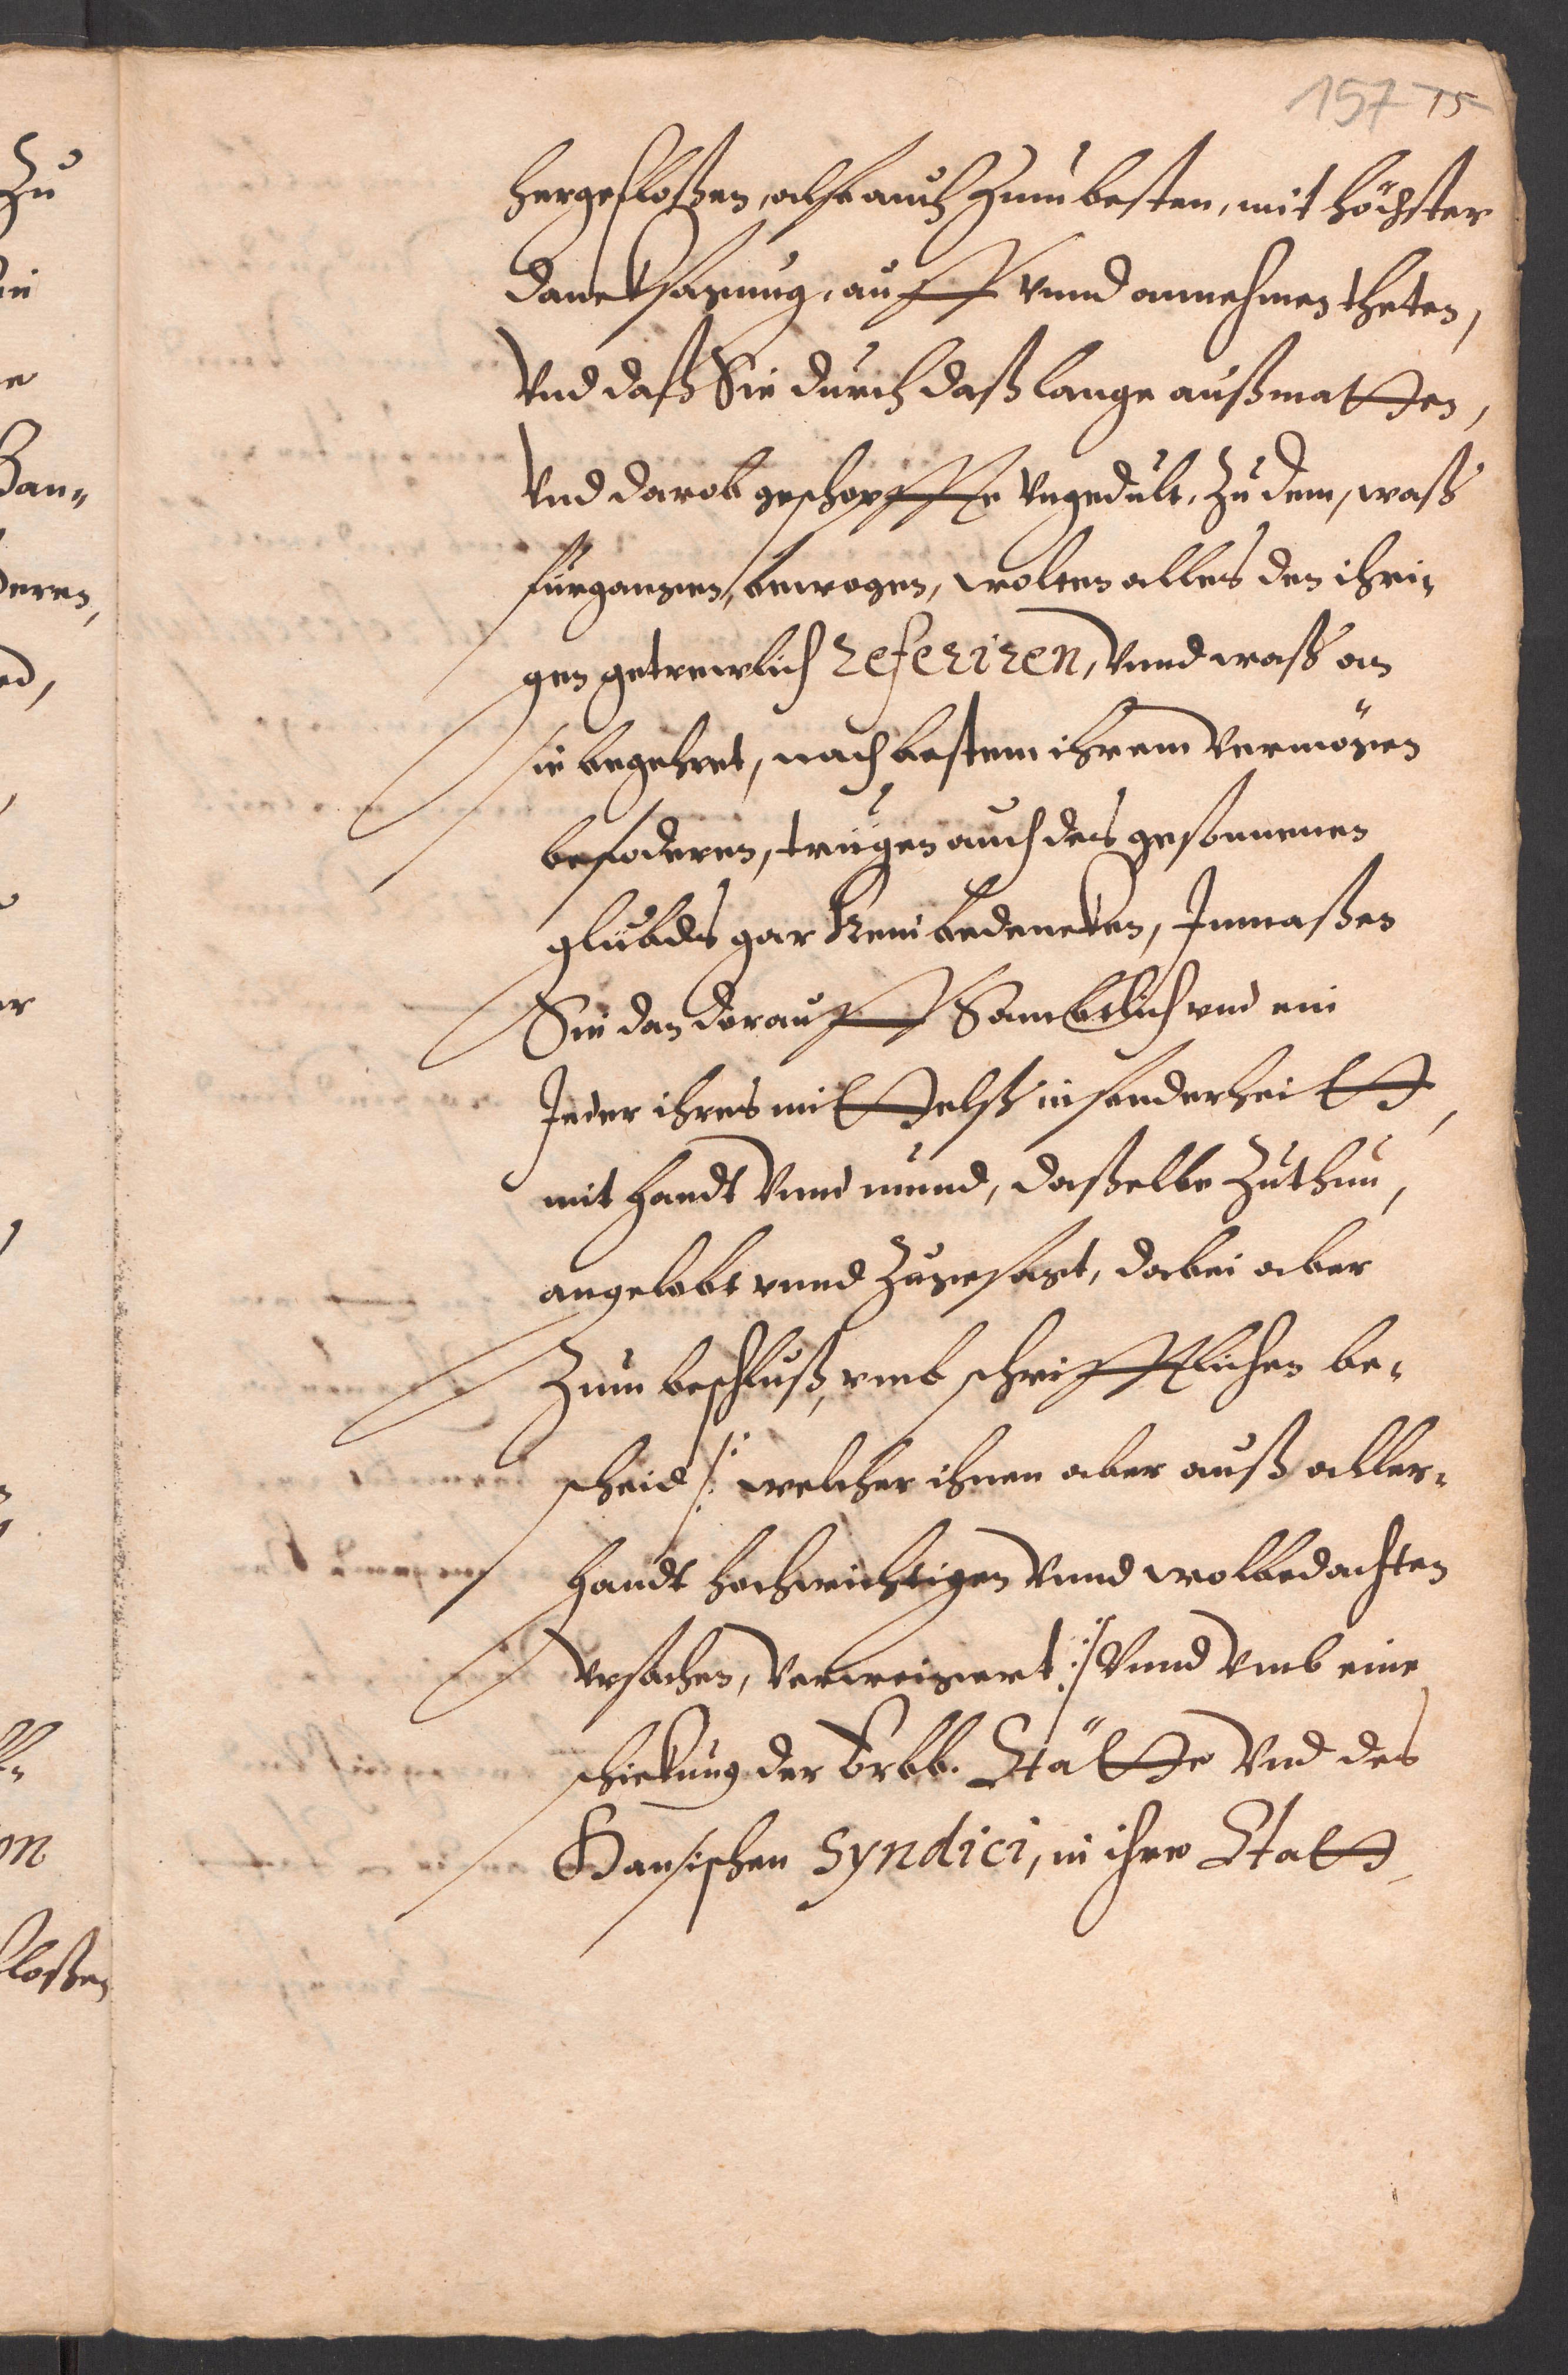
15
hergefloßen, alse auch zum besten, mit höchster
dancksagung, auff vnnd annehmen theten,
vnd daß Sie durch daß lange außmatten,
vnd darob geschopftte vngedult, zu dem, waß
fürgangen, bewogen, wolten alles den ihri¬
gen getrewlich referiren, vnnd waß an
sie begehret, nach bestem ihrem vermögen
befoderen, trügen auch des gesonnenen
glübdes gar kein bedencken, Inmaßen
Sie dan darauff Sambtlich vnd ein
Jeder ihres mittelß insonderheitt,
mit handt vnd mund, daßelbe zuthun,
angelobt vnnd zugesagt, dabei aber
zum beschluß, vmb schrifttlichen be¬
scheid /: welcher ihnen aber auß aller¬
handt hochwichtigen vnnd wolbedachten
vrsachen, verweigert :/ vnnd vmb eine
schickung der Erbb. Stätte vnd des
Hansischen Syndici, in ihre Statt
